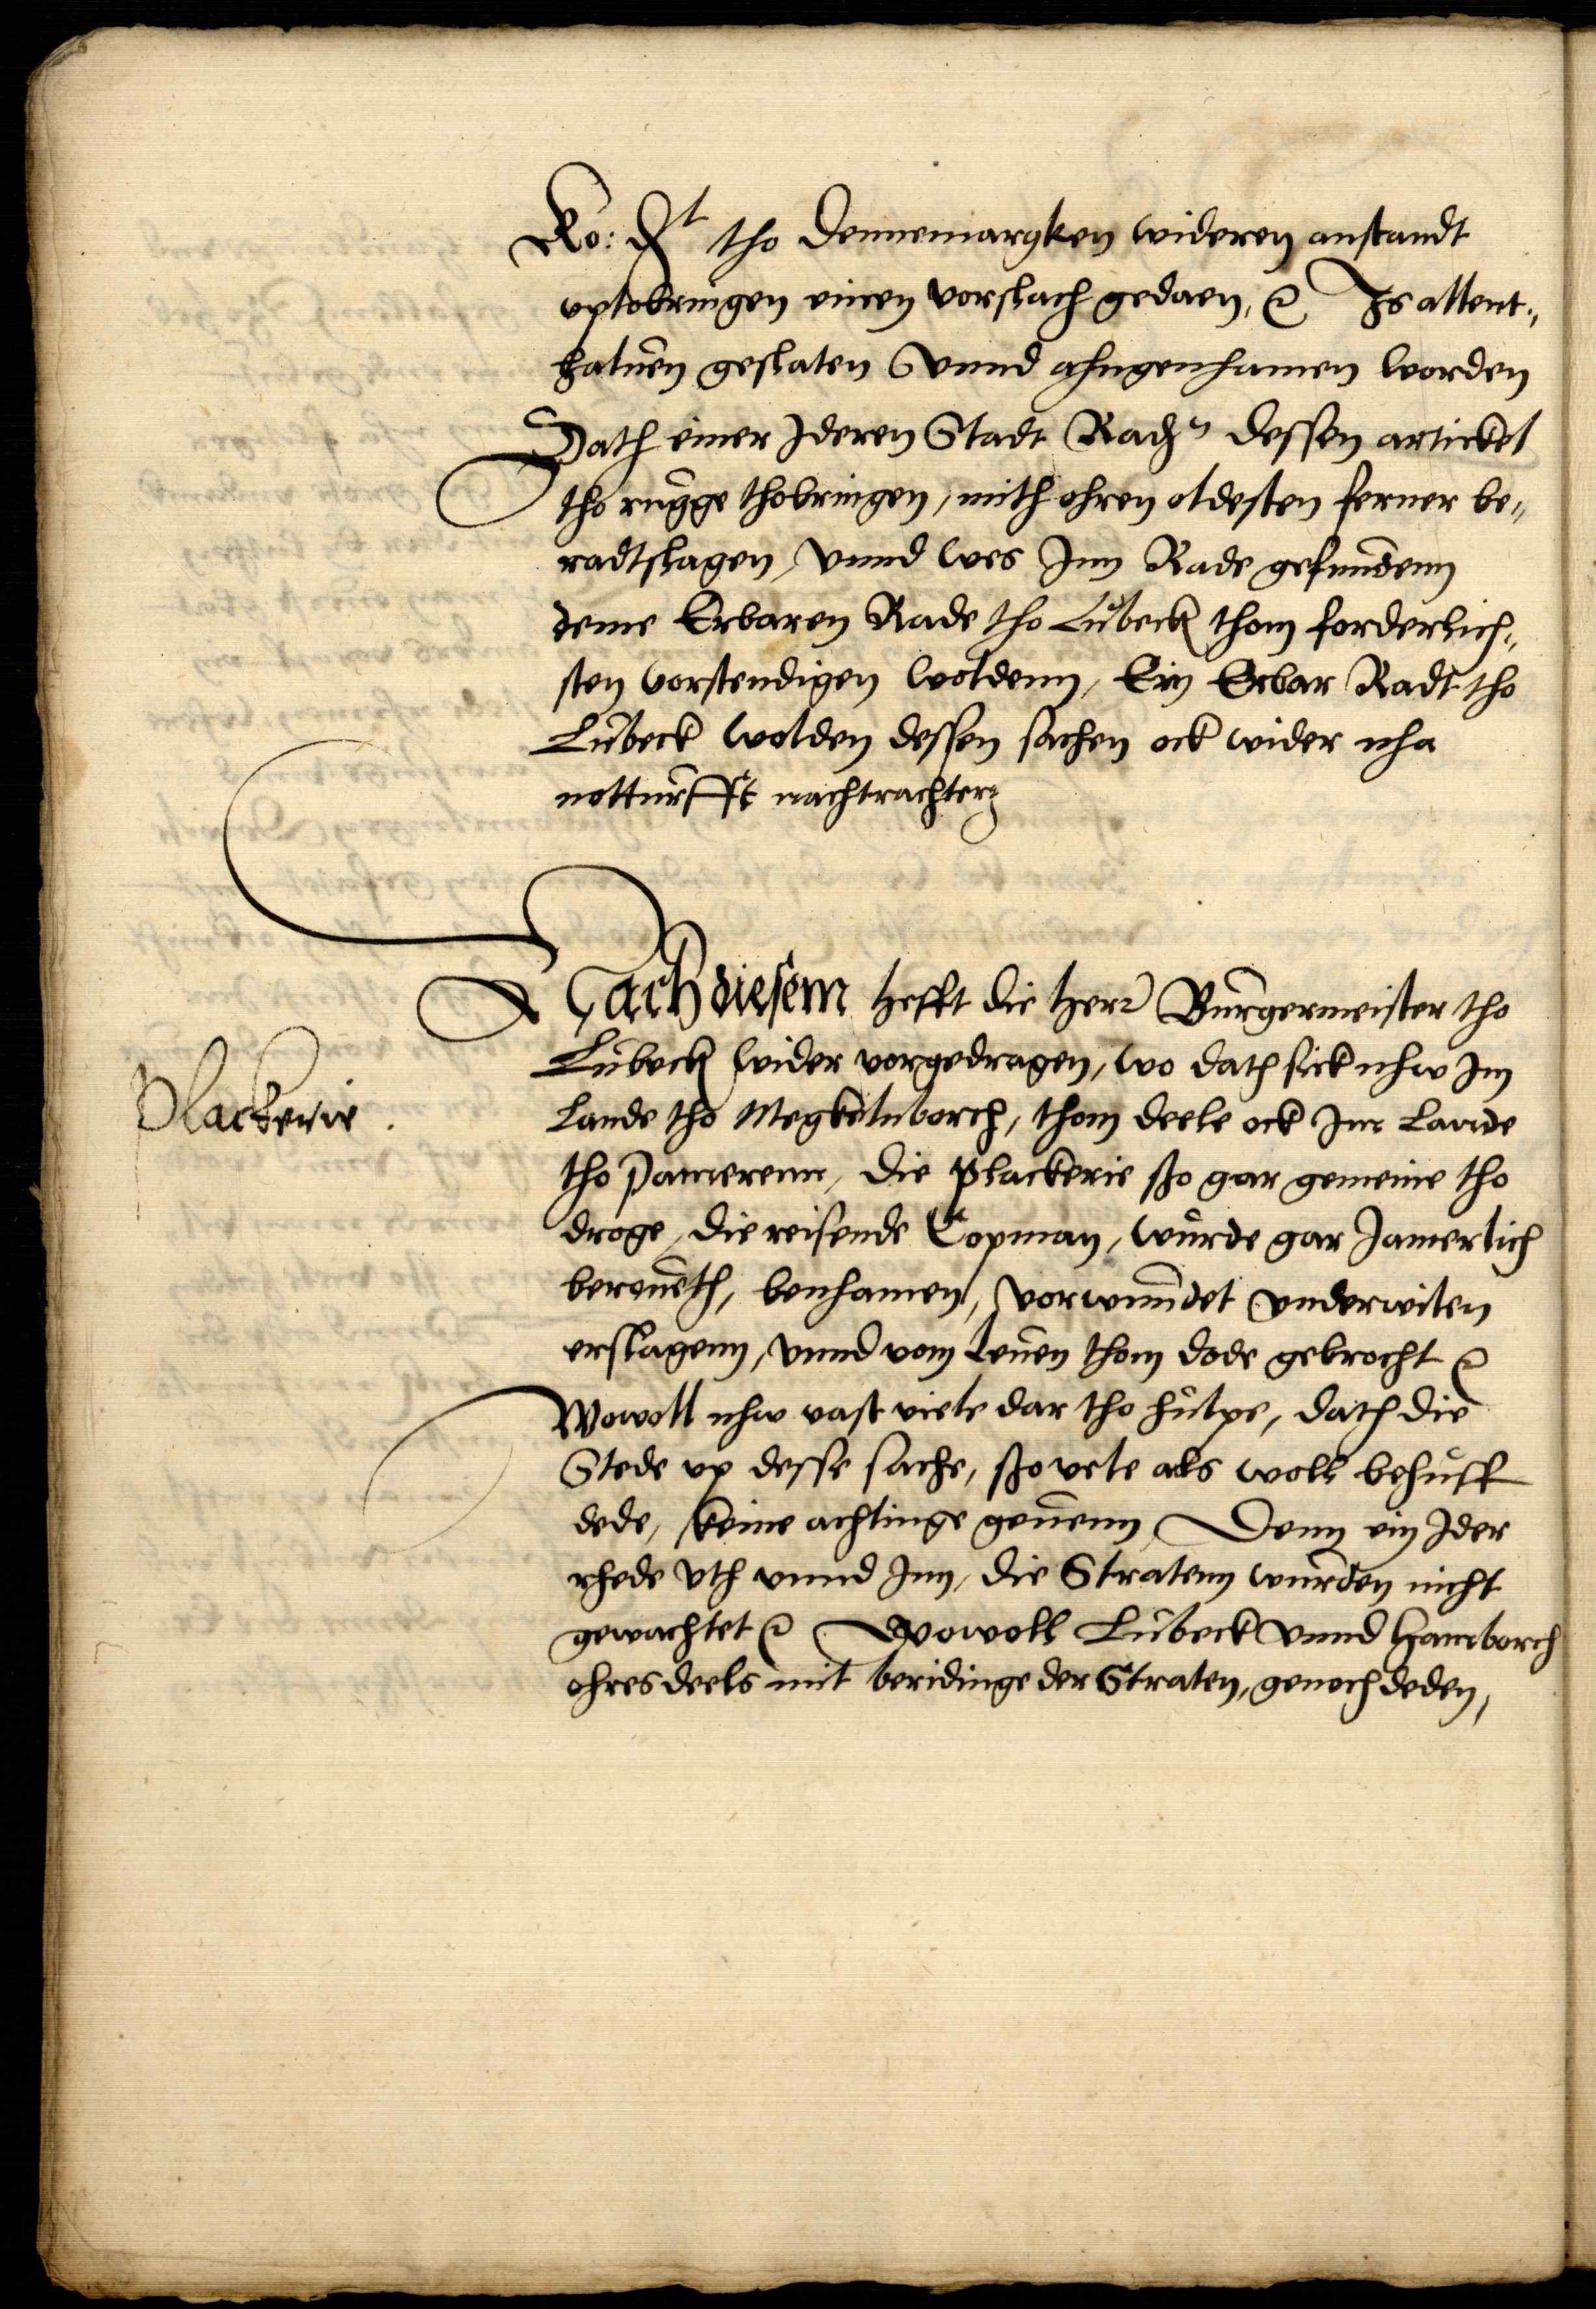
Ko: ht tho Dennemargken wideren anstandt
vptobringen einen vorslach gedaen, etc Is allent¬
haluen geslaten vnnd ahngenhamen worden
Dath einer Ideren Stadt Radessendeboden dessen artickel
tho rugge thobringen, mith ohren oldesten ferner be¬
radtslagen, vnnd wes Inn Rade gefundenn
deme Erbaren Rade tho Lubeck thom forderlich¬
sten vorstendigen woldenn, Ein Erbar Radt tho
Lubeck wolden dessen sachen ock wider nha
nottuffft nachtrachtern
Nach diesem hefft die Herr Burgermeister tho
Lubeck wider vorgedragen, wo dath sick nhw Im
Lande tho Megkelnborch, thom deele ock Im Lande
tho Pamerenn, die Plackerie ßo gar gemeine tho
droge, die reisende Copman, wurde gar Iamerlich
beroueth, benhamen, vorwundet vnderwilen
erslagenn, vnnd vom Leuen thom dode gebrocht etc
Wowoll nhw vast viele dar tho hulpe, dath die
Stede vp desse sache, ßo vele als woll behuff
dede, keine achtinge geuenn Denn ein Ider
rhede vth vnnd Inn, die Stratenn wurden nicht
gewachtet etc Wowoll Lubeck vnnd Hamborch
ohres deels mit beridinge der Straten, genoch deden,
Plackerie.
